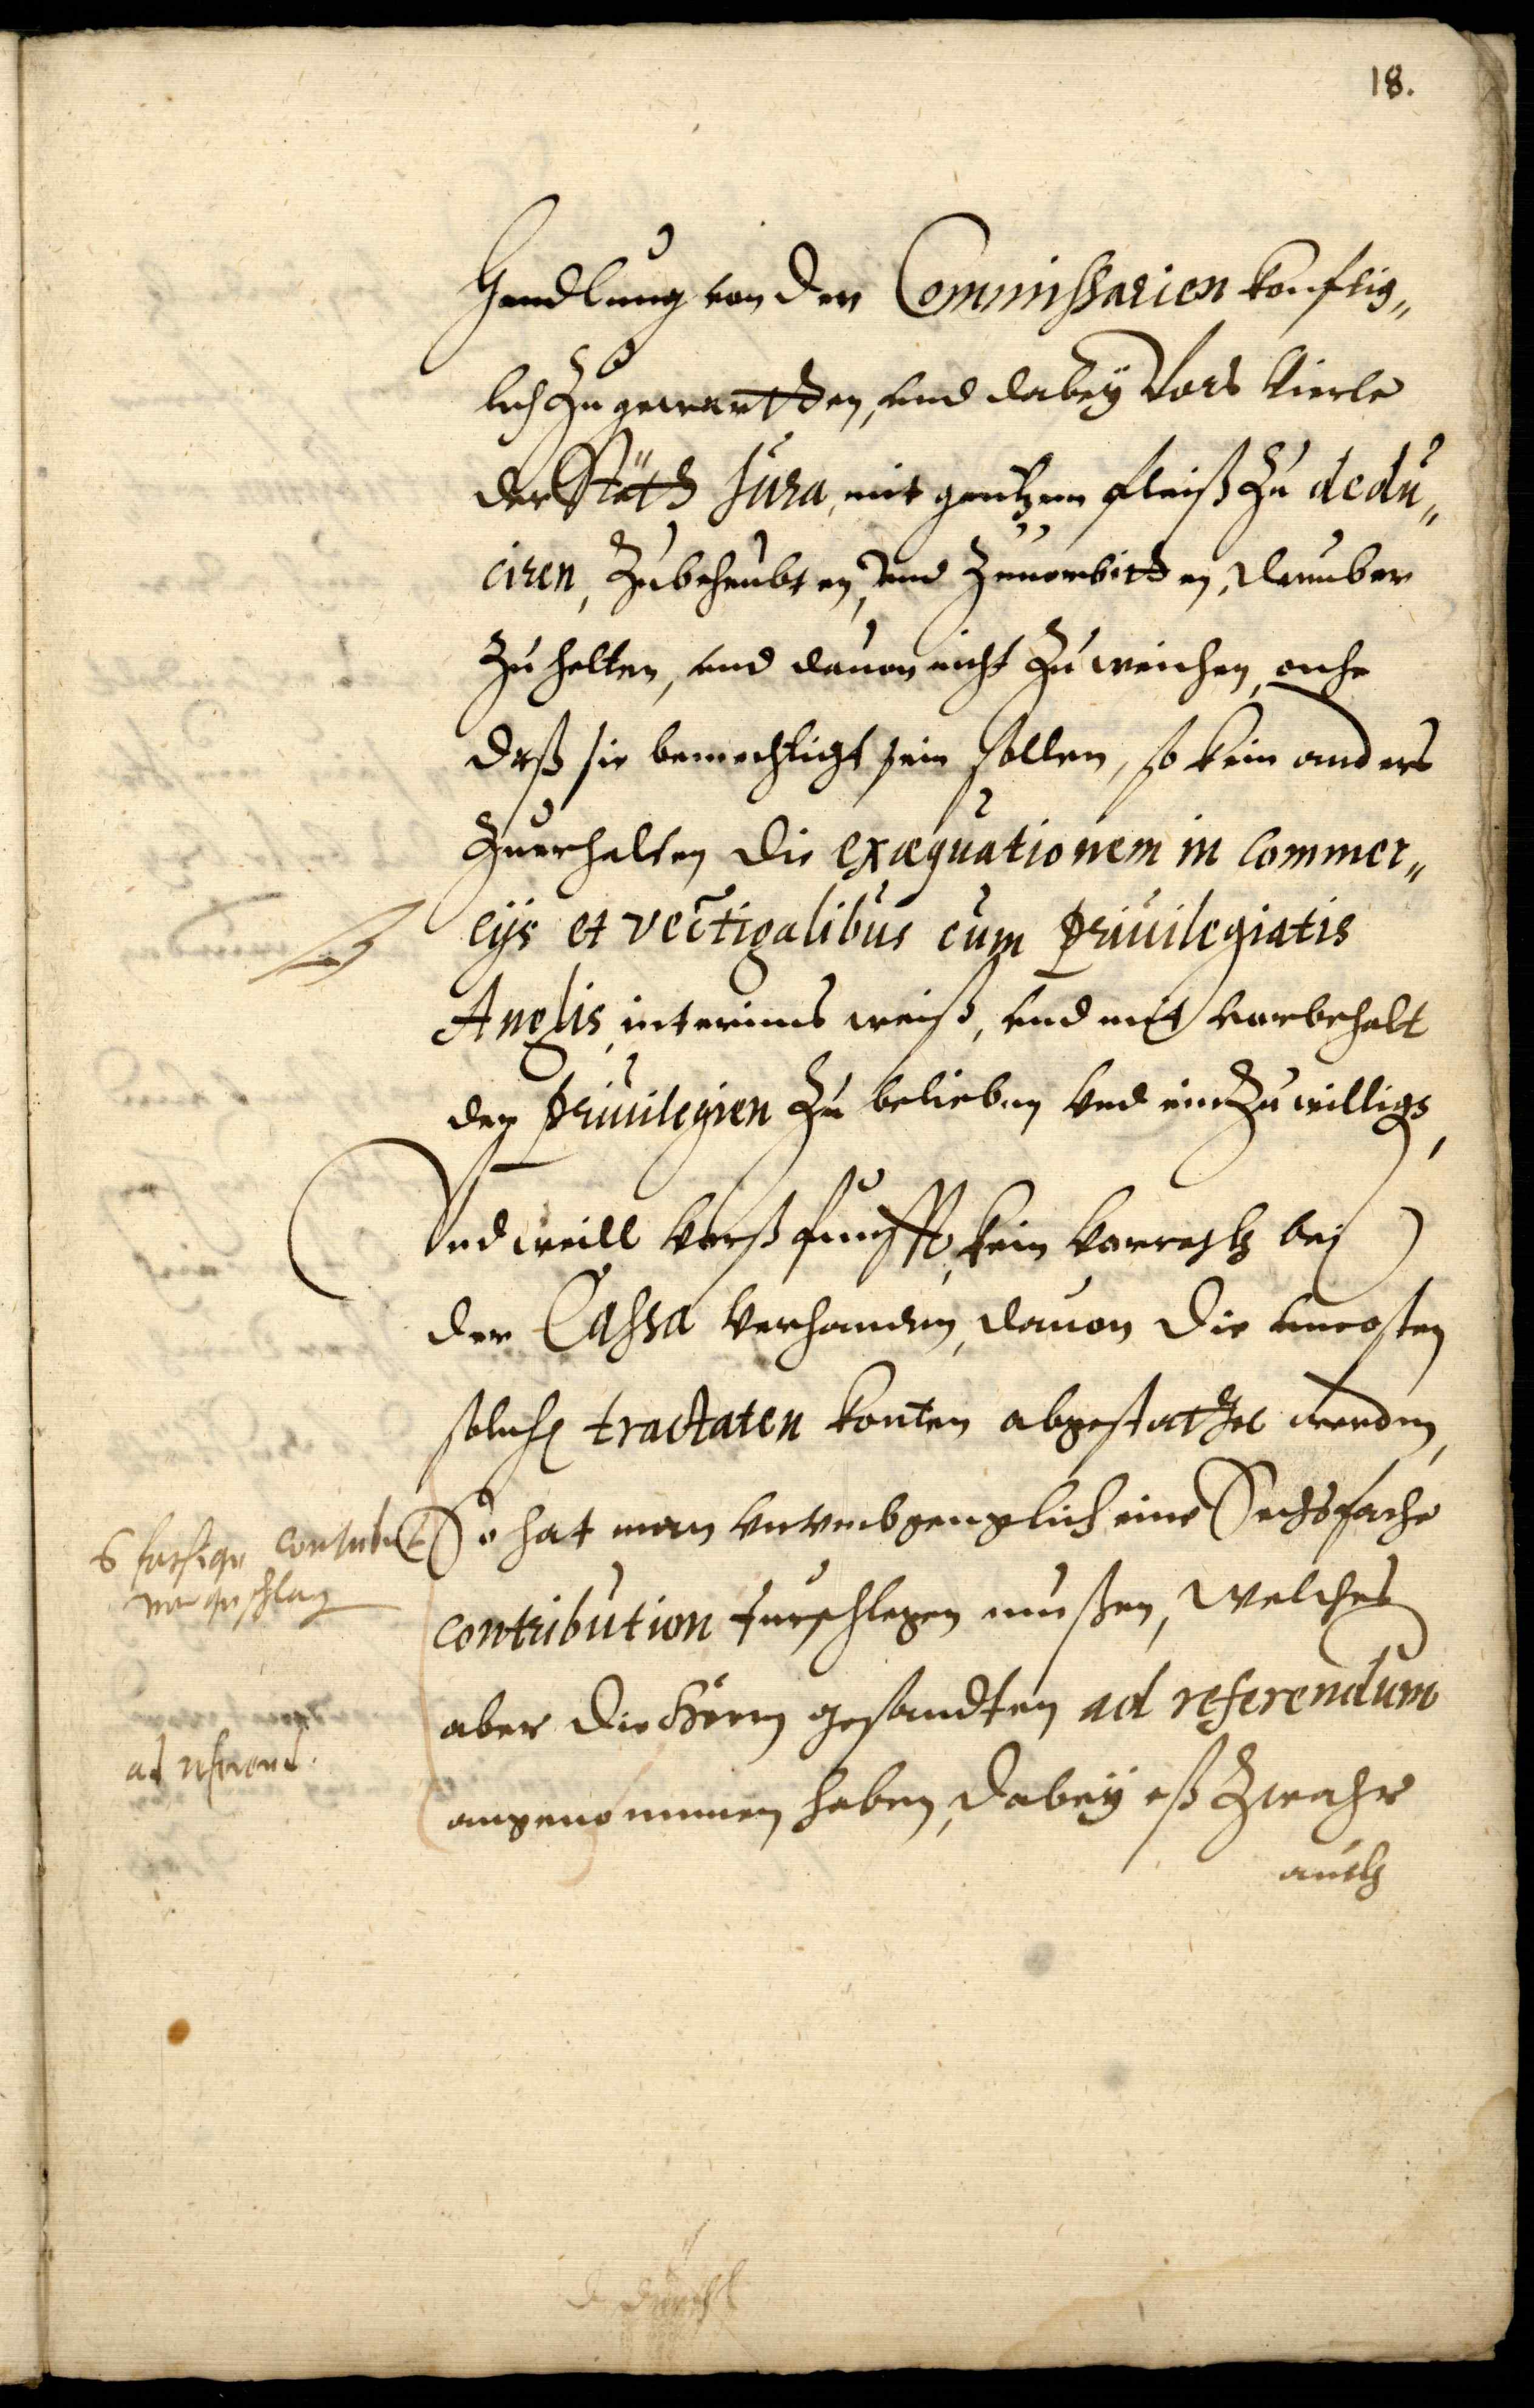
18.
Handlung von den Commissarien konftig¬
lich zu gewartten, vnd dabeij Vors Vierte
der Stätt Jura, mit gantzem fleiß zu dedu¬
ciren, zubeheubten, vnd zuuorbitten, daruber
zu halten, vnd dauon nicht zu weichen, onhe
daß sie bemechtigt sein sollen, so kein anders
zuerhalten die exaequationem in Commer¬
cijs et vectigalibus cum priuilegiatis
Anglis interims weiß, vnd mit vorbehalt
den priuilegien zu belieben vnd einzuwilligen,
Vnd weill vorß funfft kein vorrath bej
der Cassa verhanden, dauon die vncosten
solche tractaten konten abgestattet werden,
So hat man vnvmbgenglich eine Sechsfache
contribution furschlagen mußen, welches
aber die Herrn gesandten ad referendum
angenommen haben, dabeij eß zwahr
auch
6 fachige Contribut
angeschlagen
ad referend.
d. durchl
